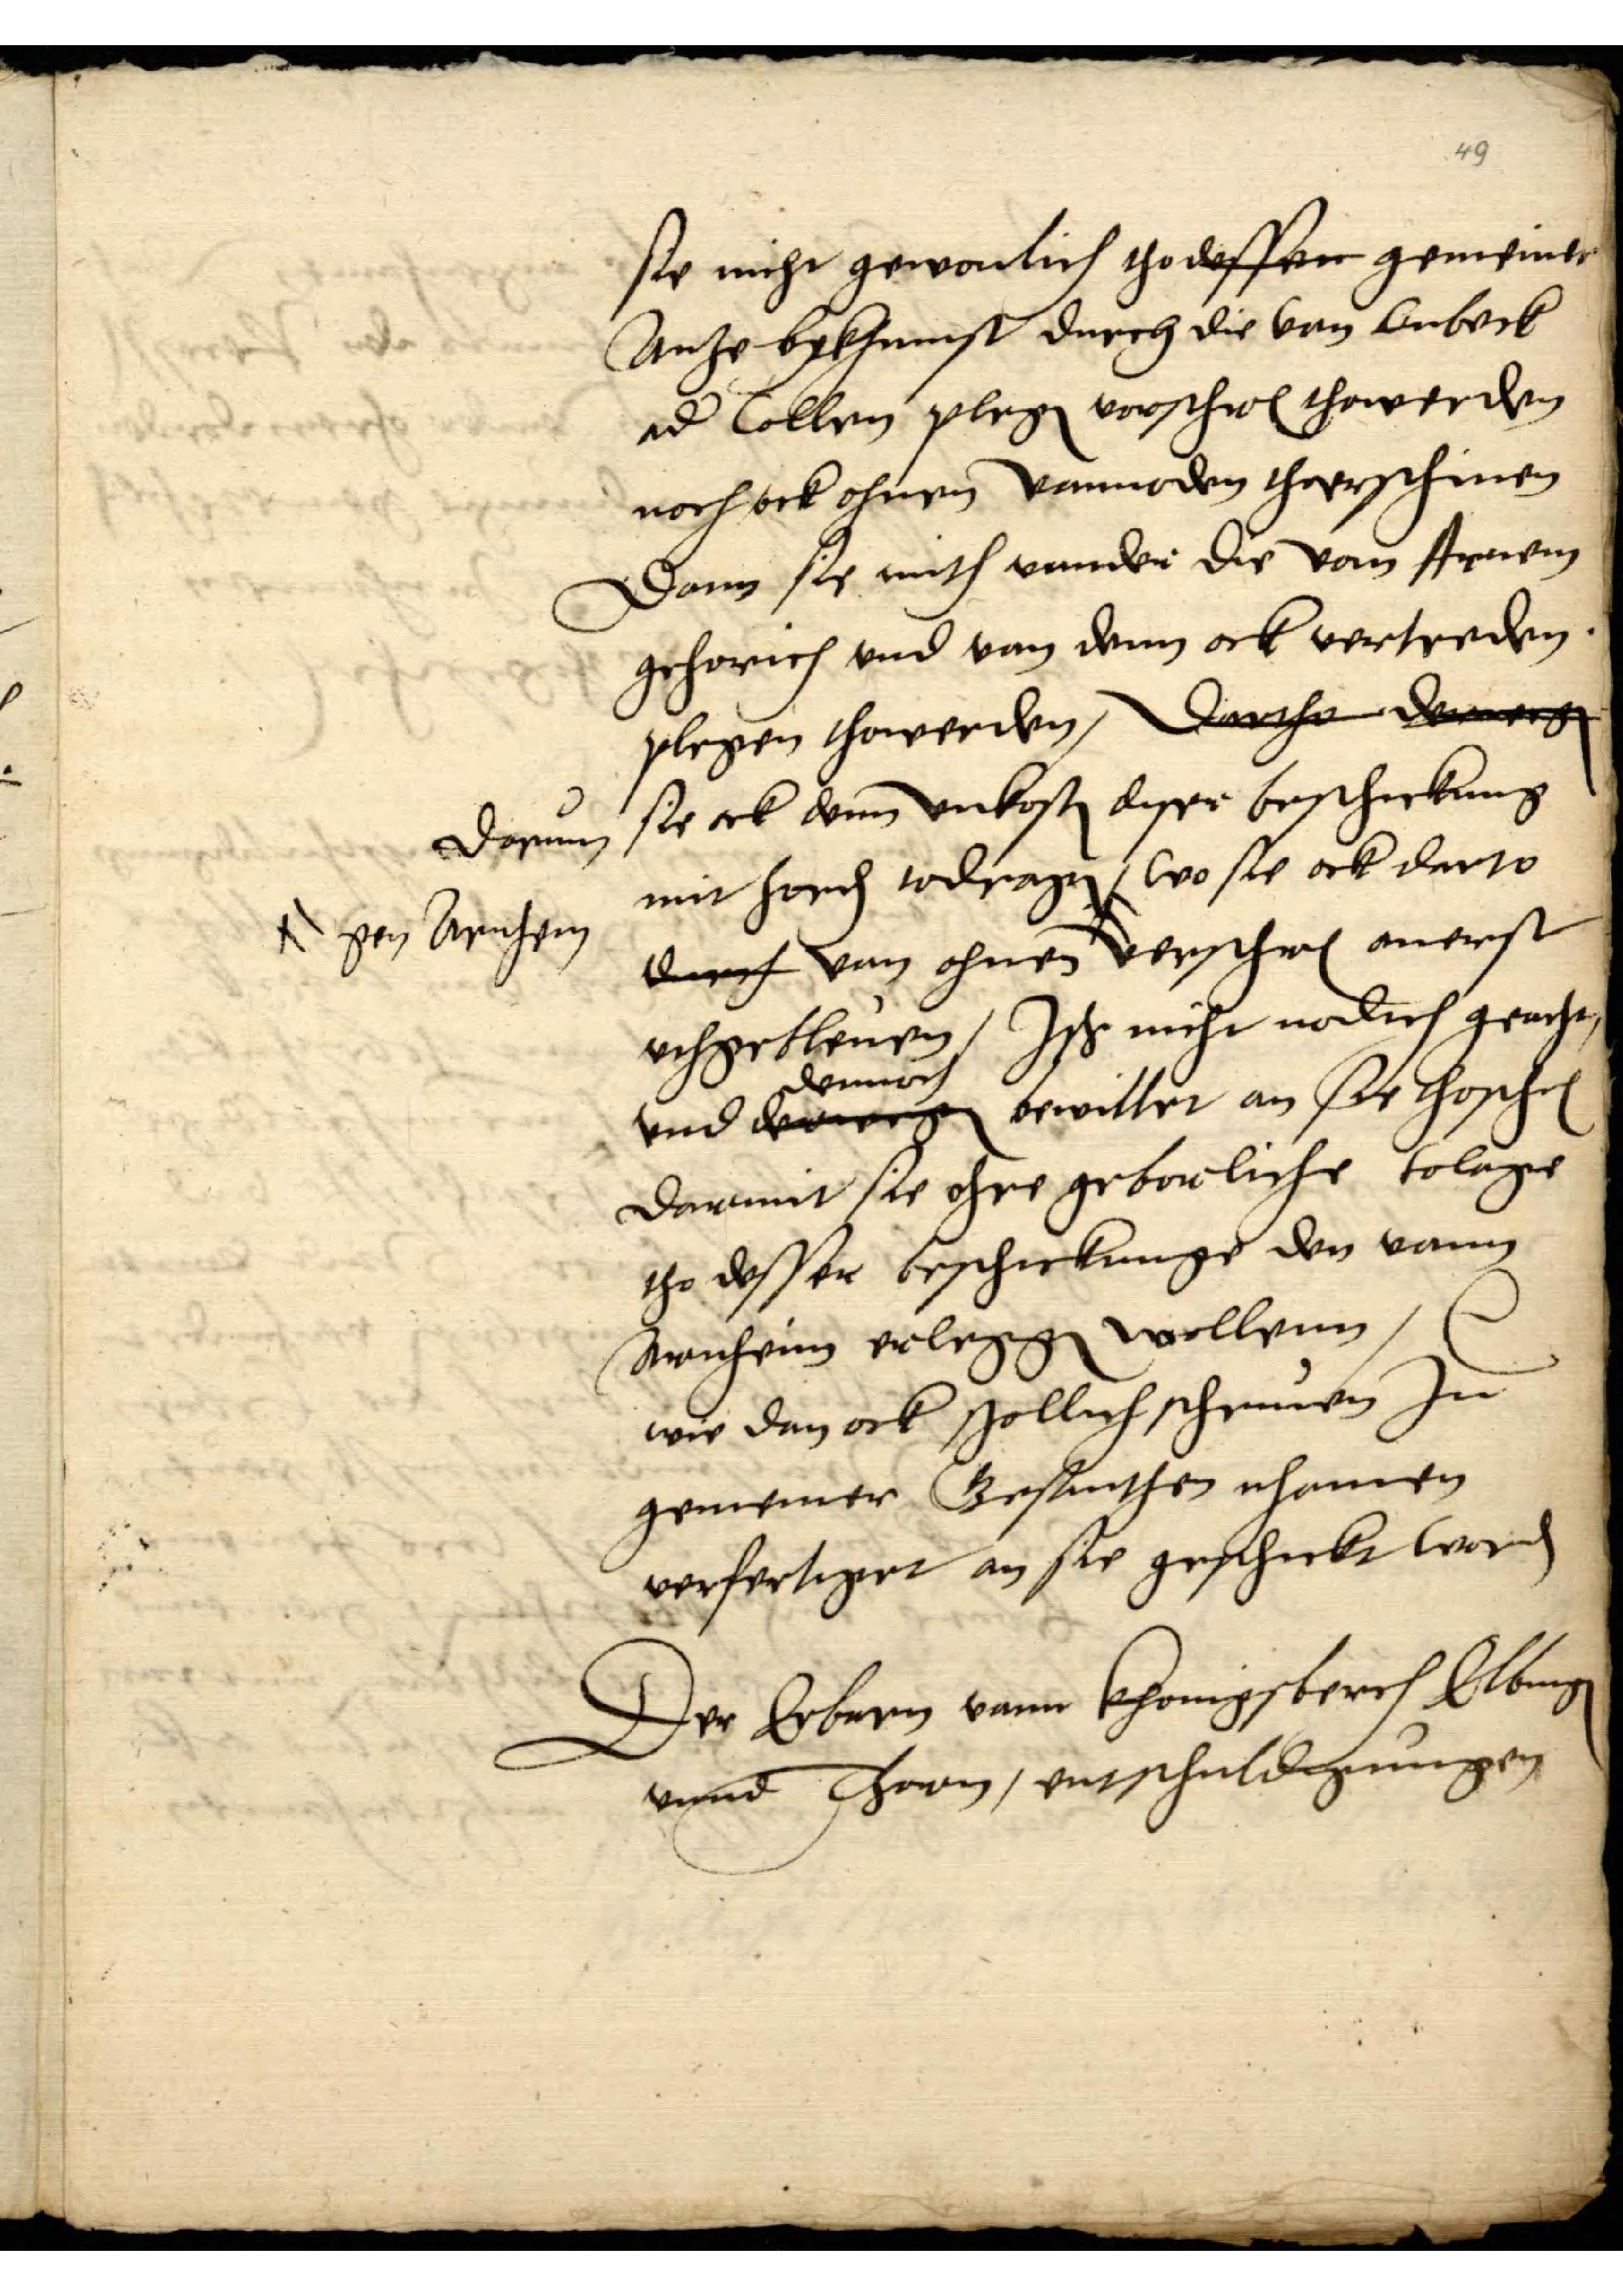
49
sie nicht gewonlich tho dessen gemeiner
Anze bykhumst durch die van Lubeck
vnd Collen plegen vorschreuen thowerden
noch ock ohnen vannoden thoerschinen
Dann sie mith vunder die van Arnem
gehorich vnd van denn ock vertreden
plegen thowerden, Dartho derwegen
Darum sie ock denn vnkosten dieser beschickung
mit sorch todragen, wo sie ock darto
durch van ohnen F verschreuen auerst
vthgebleuen, Iß nicht nodich geacht,
vnd derwegen dennoch bewillet an se thoschreuen
darmit sie ohre geboreliche tolage
tho desser beschickunge den vann
Arnheim erleggen wollenn, etcetera
wie dan ock ßollich schriuen Jn
gemeiner Gesanthen nhamen
verfertiget an sie geschickt worden
F gen Arnhem
Der Erbarn vann Khonigsberch Elbingen
vnnd Thorn, entschuldigungen
